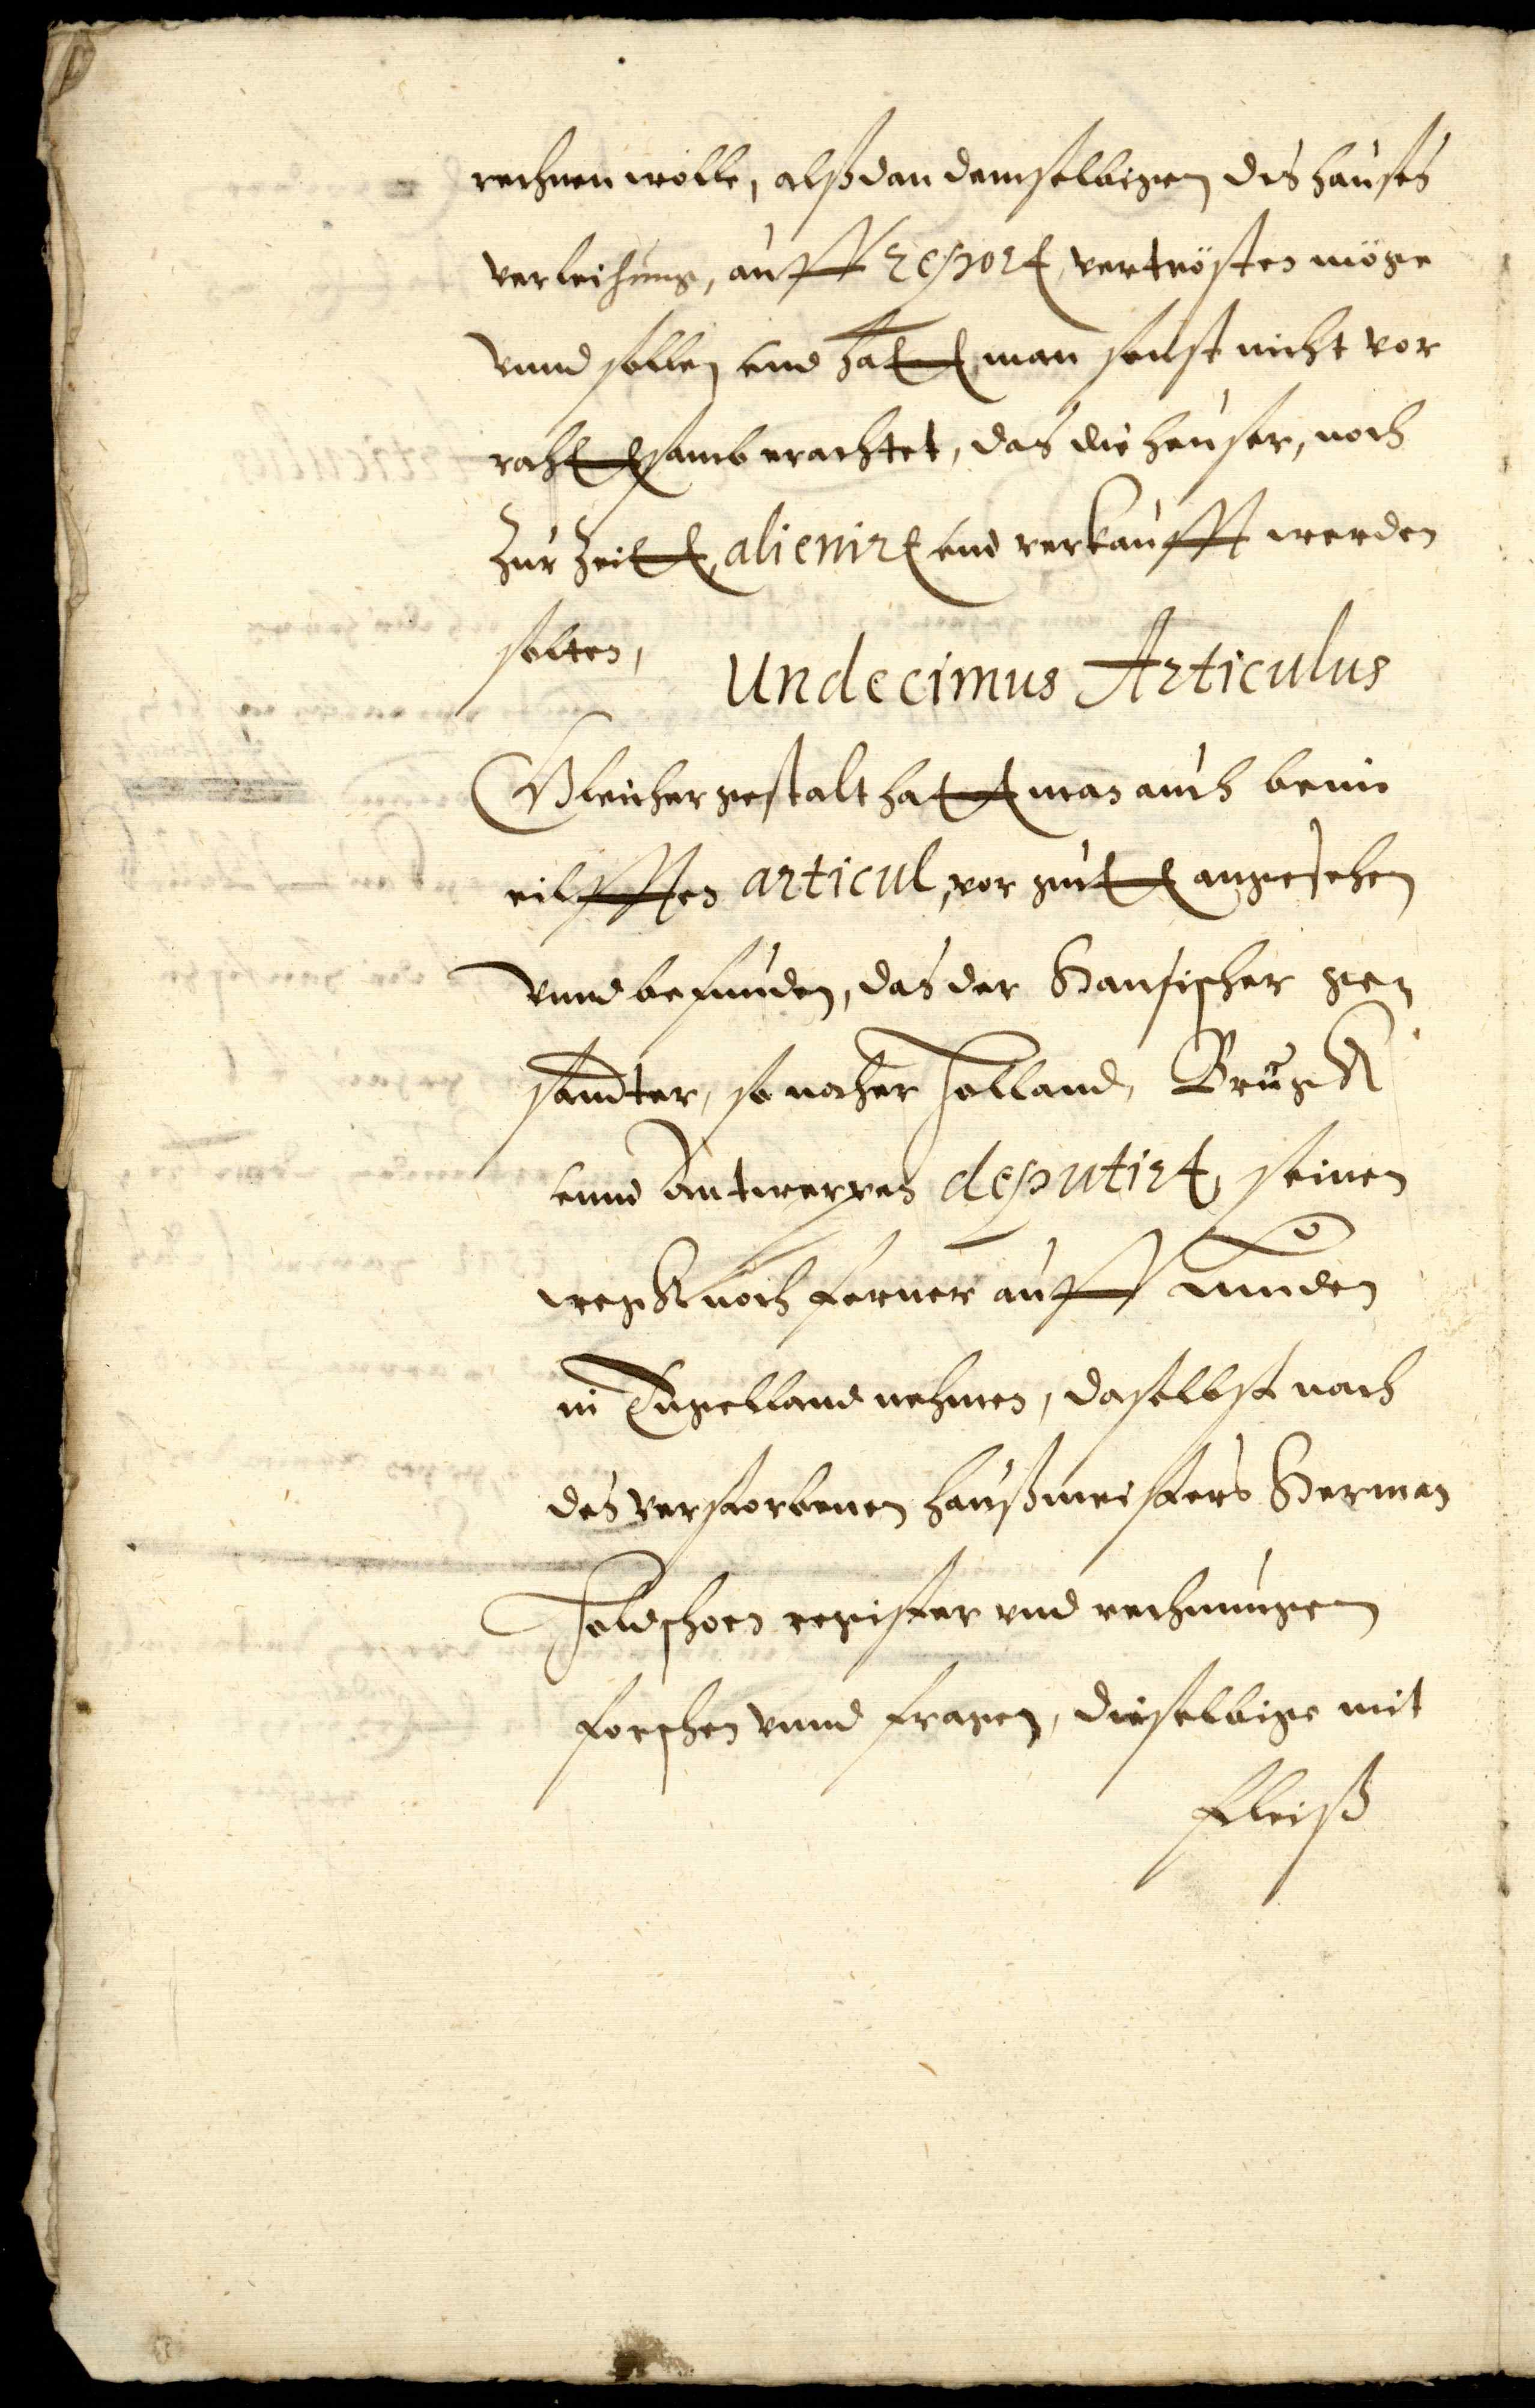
rechnen wolle, alßdan demselbigen des hauses
verleihung, auff report vertrösten möge
Vnnd solle, vnd hatt man sonst nicht vor
rahttsamb erachtet, das die heuser, noch
ZurZeitt, alienirt vnd verkaufft werden
solten,
Undecimus Articulus
Gleicher gestalt hatt man auch beim
eilfften articul, vor gutt angesehen
Vnnd befunden, das der Hansischer ge¬
sandter, so naher Holland, Brügk
vnnd Antwerpen deputirt seinen
wegk noch ferner auff Lunden
in Engelland nehmen, daselbst nach
des verstorbenen haußmeisters Herman
Holdschoen register vnd rechnungen
forschen vnnd fragen, dieselbige mit
fleiß
